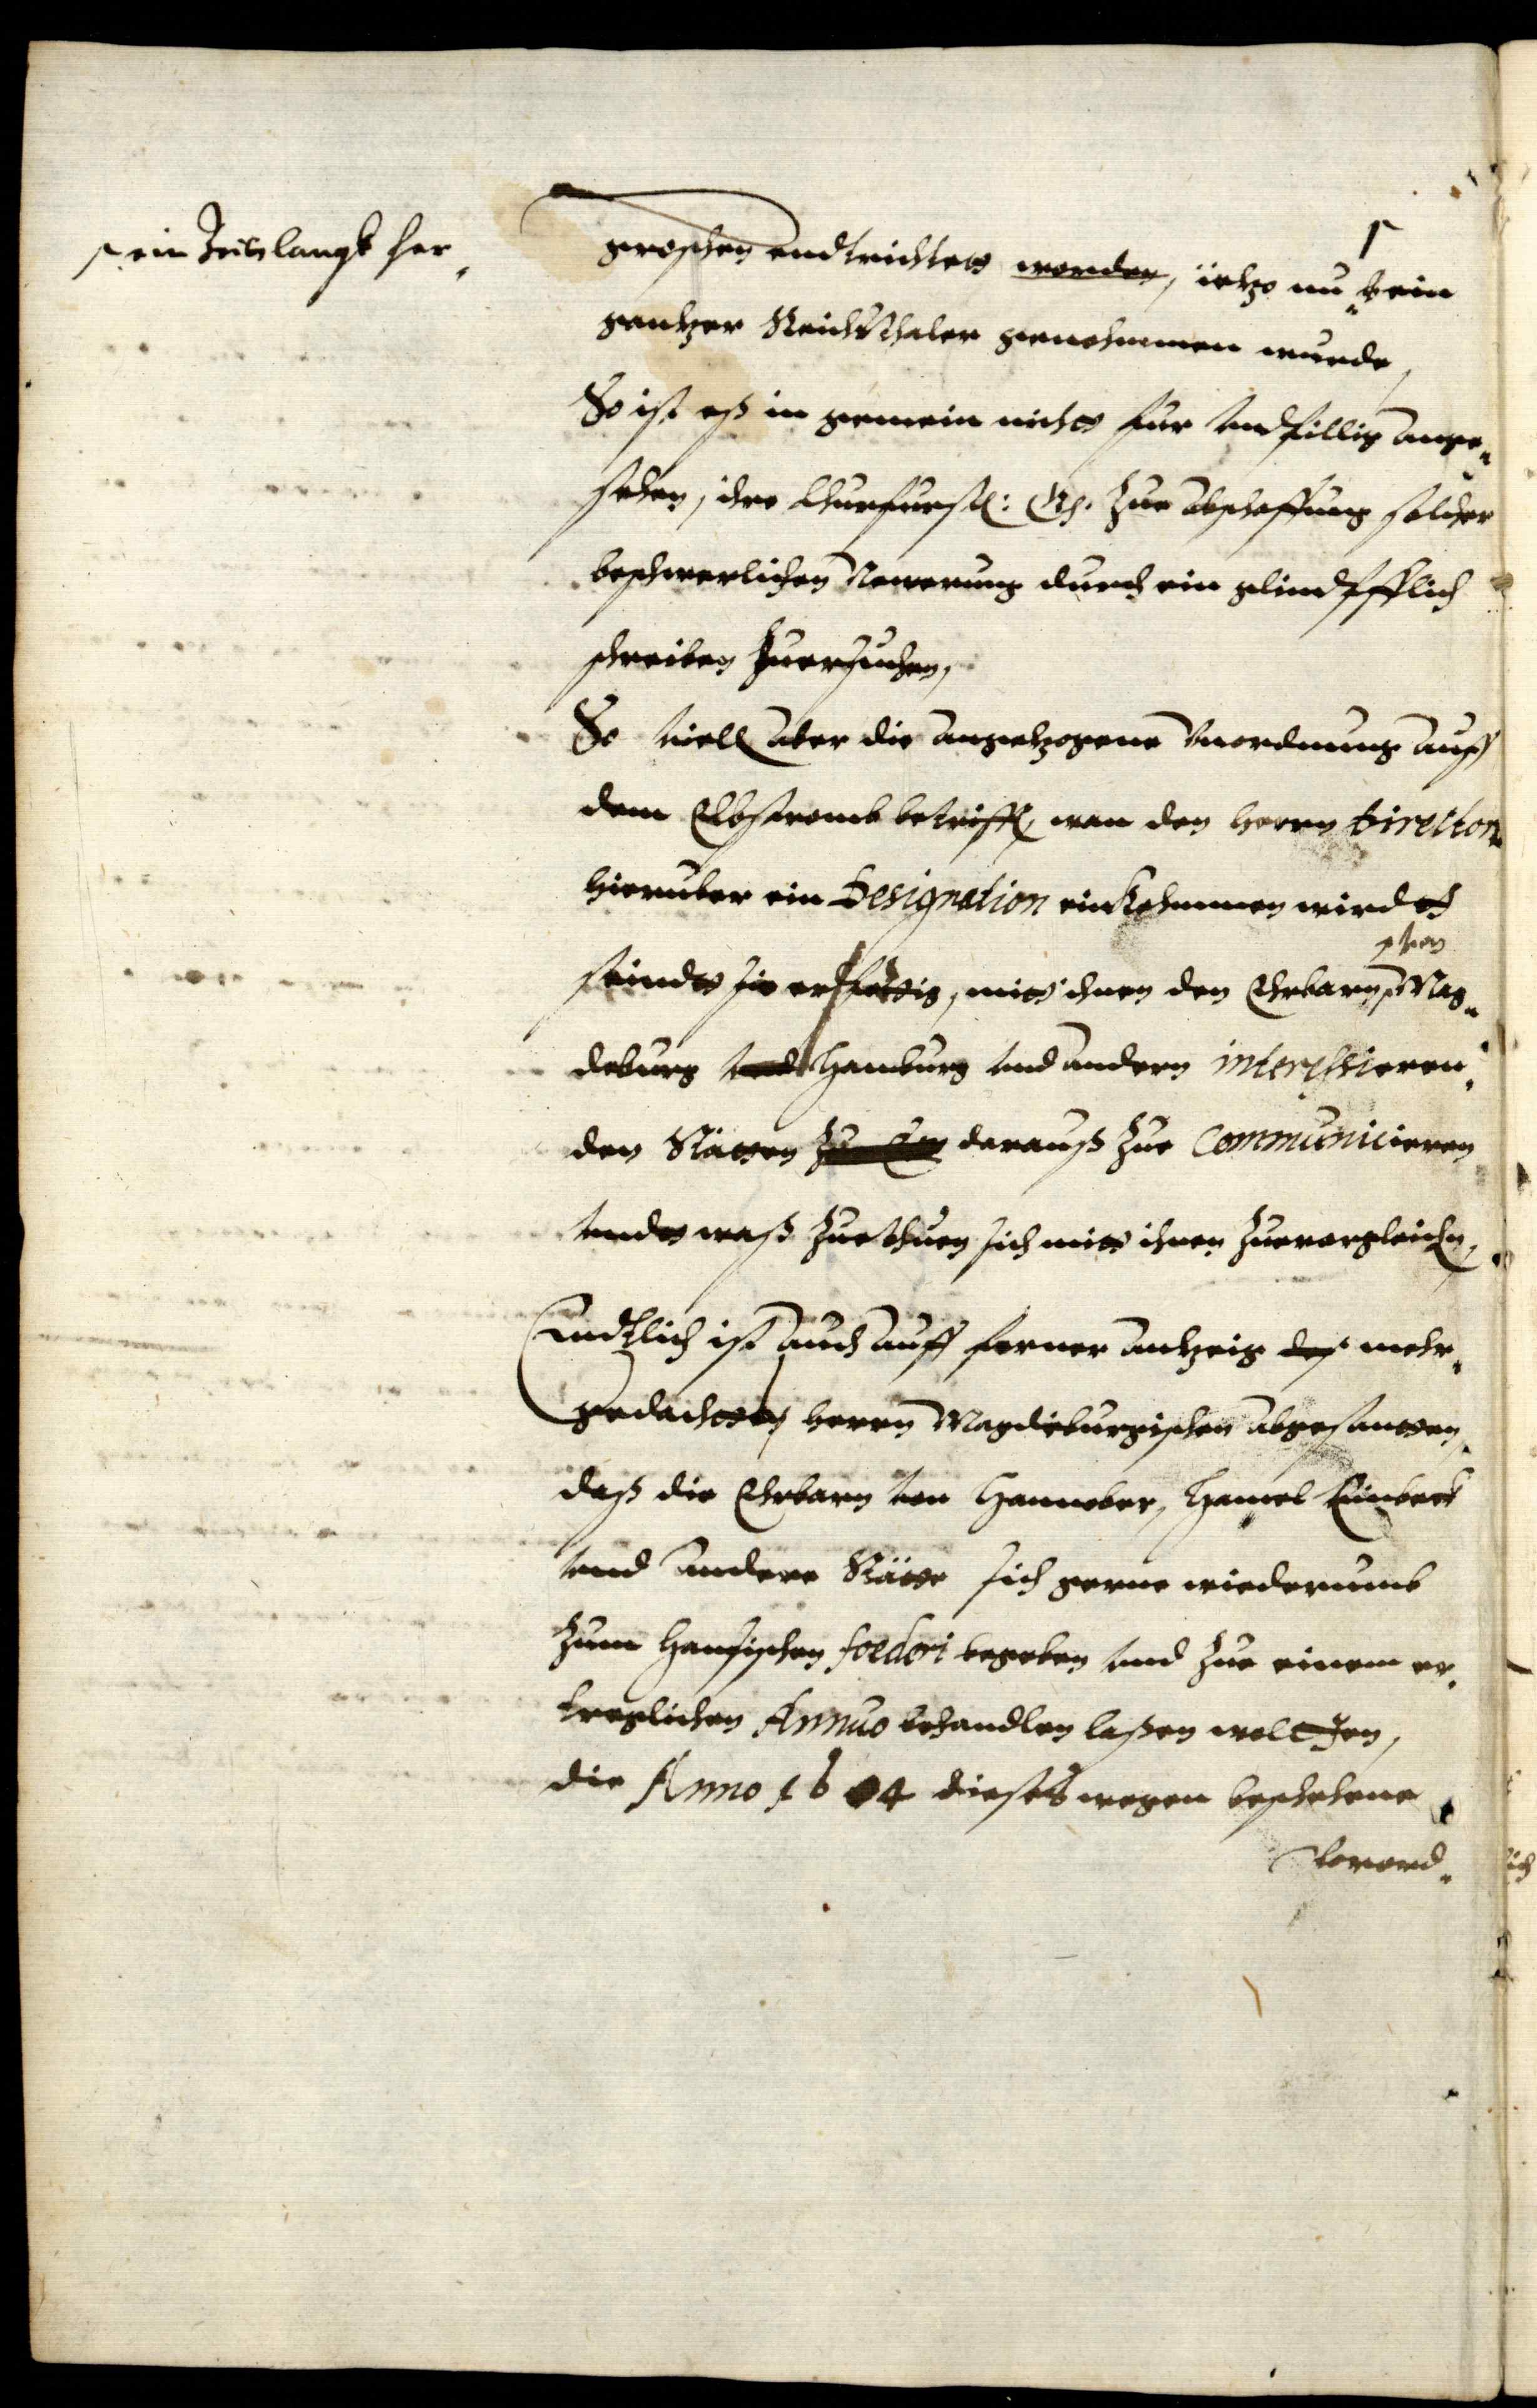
* ein Zeittlangk her
groschen endtrichtett worden, ietzo nu * s ein
gantzer Reichsthaler genohmmen wurde,
So ist eß in gemein nichtt fur vnpillig ange¬
sehen, ihre Churfurstl: Gh. zur abschaffung solcher
beschwerlichen Newerung durch ein glimpfflich
schreiben zuersuchen,
So viell aber die angetzogene Vnordnung auff
dem Elbstromb betrifft, wan den herrn director
hieruber ein Designation einkohmmen wirdtt
seindtt sie erpottig, mitt ihnen den Ehrbarn von Mag¬
deburg vnd Hamburg vnd andern interessieren¬
den Stätten Zu Com darauß zue communicieren
vndtt waß zuethun sich mitt ihnen zuevergleichen,
Endlich ist auch auff ferner antzeige deß mehr¬
gedachtten herrn Magdeburgischen abgesantten
daß die Ehrbarn von Hannober, Hamel Einbeck
vnd andere Stätte sich gerne wiederumb
zum Hansischen foederi begeben vnd zue einem er¬
treglichen Annuo behandlen laßen woltten,
die Anno 1604 dieses wegen beschehene
Verord¬
